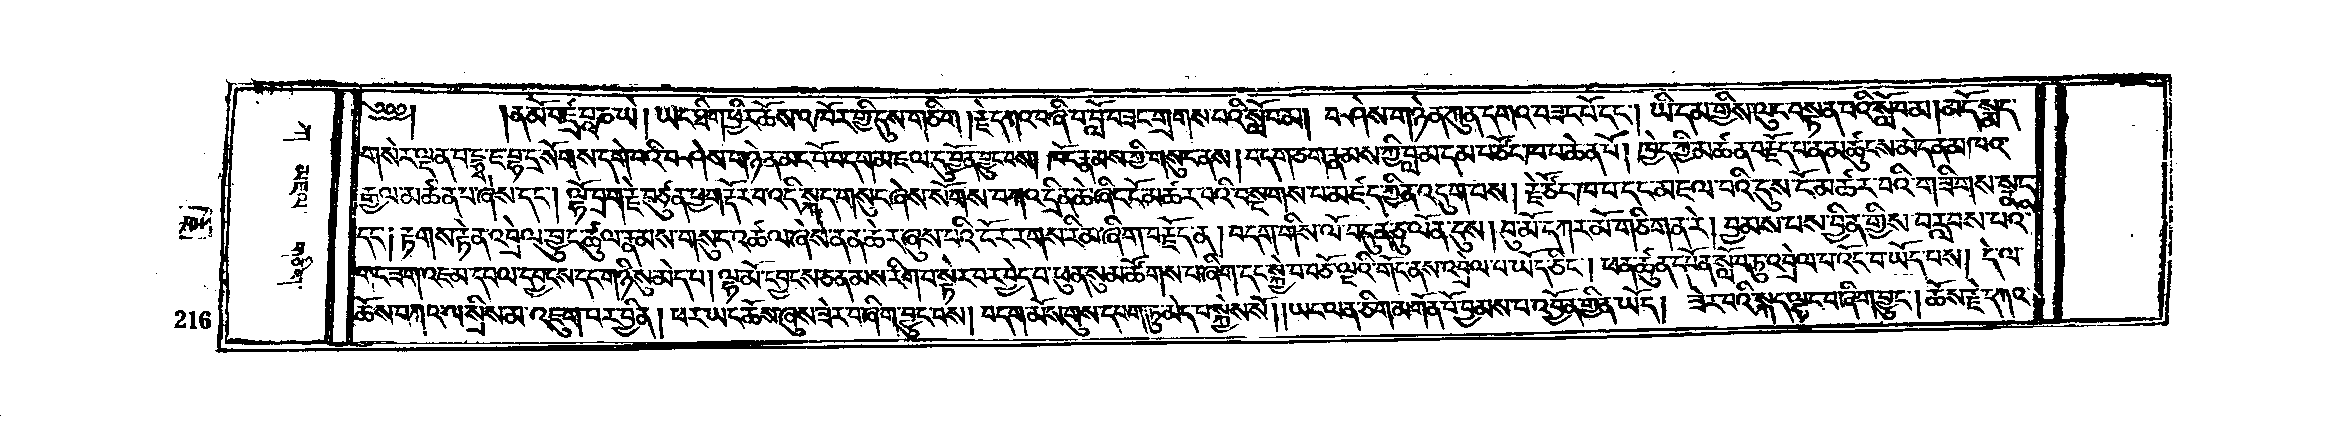༄༅༅། །ན་མོ་བཛྲ་པཱ་ཎ་ཡེ། ཡང་ཐིག་ཕྱིར་ཆོས་འཁོར་གྱི་དུས་གཅིག །རྗེ་དཀའ་བཞི་པ་བློ་བཟང་གྲགས་པའི་སློབ་མ། བཤེས་གཉེན་ཀུན་དགའ་བཟང་པོ་དང་། ཡི་དམ་གྱིས་ལུང་བསྟན་པའི་སློབ་མ། མདོ་སྨད་
གསེར་ལྡན་བ་དྷྭ་ཇ་བྷ་དྲ་སོགས་དགེ་བའི་བཤེས་གཉེན་མང་པོ་བདག་མཇལ་དུ་བྱོན་བྱུང་བས། ཁོང་རྣམས་ཀྱི་གསུང་ནས། བདག་ཅག་རྣམས་ཀྱི་བླ་མ་དམ་པ་ཙོང་ཁ་པ་ཆེན་པོ། ཁྱེད་ཀྱི་མཚན་བརྗོད་པ་ན་མཚུངས་མེད་ནམ་མཁའ་
རྒྱལ་མཚན་པ་ཞེས་དང་། ལྷོ་བྲག་རྗེ་བཙུན་ཕྱག་རྡོར་བ་འདི་སྐད་གསུང་ཞེས་སོགས་བཀའ་དྲིན་ཆེ་ཞིང་ངོ་མཚར་བའི་བསྔགས་པ་མཛད་ཀྱི་ན་འདུག་པས། རྗེ་ཙོང་ཁ་པ་དང་མཇལ་བའི་དུས་ངོ་མཚར་བའི་གཟིགས་སྣང་
དང་། རྟགས་རྟེན་འབྲེལ་བྱུང་ཚུལ་རྣམས་གསུང་འཚལ་ཞེས་ནན་ཆེར་ཞུས་པའི་ངོར་རགས་རིམ་ཞིག་བརྗོད་ན། བདག་གིས་ལོ་བདུན་ཅུ་ལོན་དུས། བུ་མོ་དཀར་མོ་གཅིག་ན་རེ། བྱམས་པས་བྱིན་གྱིས་བརླབས་པའི་
གང་ཟག་འཇམ་དཔལ་དབྱངས་དང་གཉིས་སུ་མེད་པ། ལྷ་མོ་དབྱངས་ཅན་མས་རིག་པ་སྟེར་བར་བྱེད་པ་ཕུན་སུམ་ཚོགས་པ་ཞིག་དང་སྐྱེ་བ་བཅོ་ལྔའི་གོང་ནས་འབྲེལ་པ་ཡོད་ཅིང་། ཕན་ཚུན་དཔོན་སློབ་ཏུ་འབྲེལ་པ་འོང་བ་ཡོད་པས། དེ་ལ་
ཆོས་བཀའ་ལ་སྲིས་མ་འཇུག་པར་བྱིན། ཕར་ཡང་ཆོས་ཞུས་ཟེར་བ་ཞིག་བྱུང་བས། བདག་མོས་གུས་དཔག་ཏུ་མེད་པ་སྐྱེས་སོ། །ཡང་ལན་ཅིག་མགོན་པོ་བྱམས་པ་འབྱོན་གྱིན་ཡོད། ཟེར་བའི་སྐད་ལྷང་བ་ཞིག་བྱུང་། ཆོས་རྗེ་དཀའ་